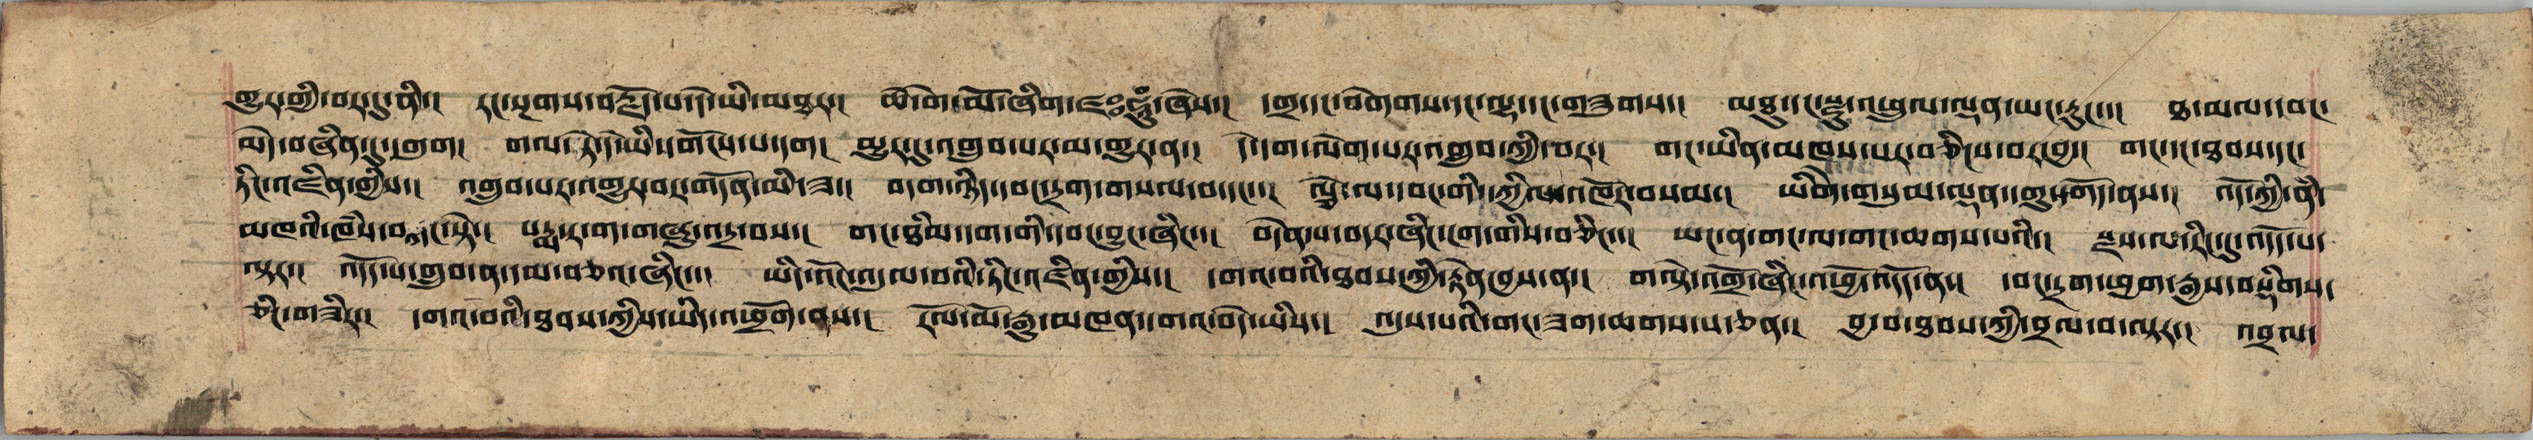གྱུར་གྱི་བར་དུ་ནི་། རང་སྔགས་བརྗོད་པ་དེ་ཡི་མཐར་། ཆེ་གེ་མོ་ཞིག་ཛཿཧཱུཾ་ཞེས་། དགྲ་དང་བགེགས་དང་ལྷ་དང་གཟུགས་། མཐུ་དང་སྫུ་འཕྲུལ་ལྡན་ཡང་རུང་་། ཐ་མལ་དབང་
མེད་བཞིན་དུ་དགུག། གལ་ཏེ་དེ་ཡི་དགོངས་པ་དག། མྱུར་དུ་འགྲུབ་པར་མ་གྱུར་ན་། དེ་དག་ལེགས་པར་འགྲུབ་ཀྱི་བར་། གང་ཡིན་མཁས་པར་བཅིངས་བར་བྱ་། གང་དང་ཐབས་དང་
ཏིང་འཛིན་གྱིས་། འགྲུབ་པར་འགྱུར་བར་གདོན་མི་ཟ་། བདག་ཉིད་དབང་དྲག་གསལ་བ་དང་་། ལྕེ་ལ་དབང་གི་དཀྱིལ་འཁོར་བསམ་། ཡིགེ་གསུམ་ལྡན་དགུ་དགོད་ནས་། འོད་ཀྱི་ནཾ་
མཁའི་ཁཾས་བཀང་སྟེ་། པདྨ་ར་ག་གཞུ་འདྲ་བས་ གང་ཐིམ་དག་གི་དབང་བྱུང་ཞིང་་། བདེན་པ་བདར་ཞིང་ངག་གིས་བཅིང་་། ཡང་ན་གང་ལ་གང་ཆགས་པའི་། སྫས་ལ་རིང་དུ་འདོད་པ་
ལྟར་། འདོད་པ་གྲུབ་ན་དམ་བཅའ་ཞིང་་། ཡིད་འོང་འདུལ་བའི་ཏིང་འཛིན་གྱིས་། དགའ་བའི་ཐབས་ཀྱི་རྟེན་བྱས་ན་། གལྟེ་འགྲོ་ཞིང་འཕྱོ་འདོད་ན་། དབང་དྲག་ཕྱག་རྒྱས་བསྡིགས་
ཅིང་གཟིར་། དགའ་བའི་ཐབས་ཀྱིས་ཡིད་འཕྲོག་ནས་། རོལ་མོ་རྒྱུ་མཁན་དགའ་བདེ་ཡིས་། འདུས་པའི་གང་ཟག་ཆགས་པ་ཅན་། བྱ་བ་ཐབས་ཀྱི་བྲལ་བ་ལྟར་། འབྲལ་